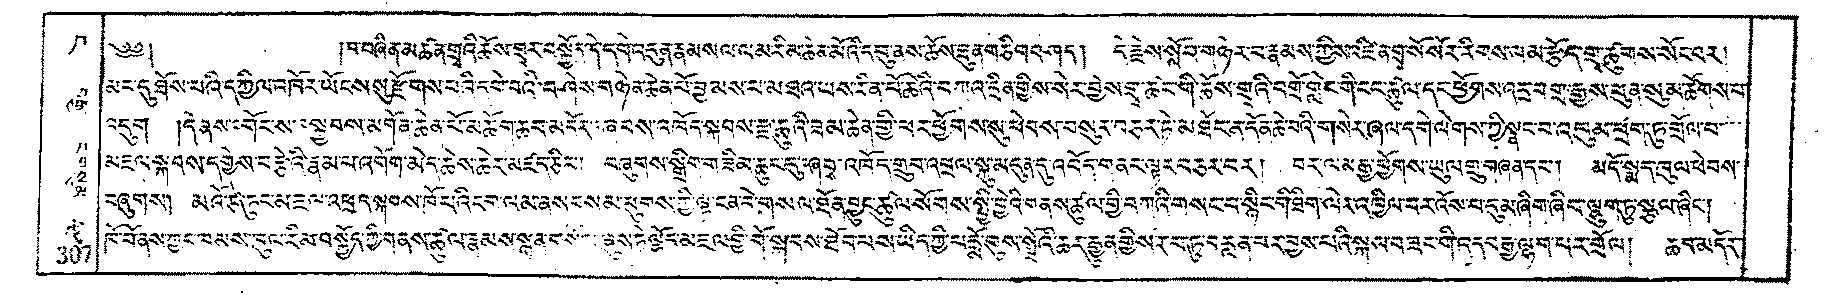༄༅། །བ་བཞིན་མཚན་གྲྭའི་ཆོས་གྲྭར་བསྐྱོད་དེ་དགེ་འདུན་རྣམས་ལ་ལམ་རིམ་ཆེན་མོའི་དབུ་ནས་ཆོས་ཐུན་གཅིག་བཤད། དེ་རྗེས་སློབ་གཉེར་བ་རྣམས་ཀྱིས་འཛིན་གྲྭ་སོ་སོར་རིགས་ལམ་རྩོད་གྲྭ་ཚུགས་སོང་བར།
མང་དུ་ཐོས་པའི་དཀྱིལ་འཁོར་ཡོངས་སུ་རྫོགས་པའི་དགེ་བའི་བཤེས་གཉེན་ཆེན་པོ་བྱམས་པ་མཐའ་ཡས་རིན་པོ་ཆེའི་བཀའ་དྲིན་གྱིས་སེར་བྱེས་གྲྭ་ཚང་གི་ཆོས་གྲྭའི་བགྲོ་གླེང་གི་ངང་ཚུལ་དང་ཕྱོགས་འདྲ་བ་གྲ་རྒྱས་ཕུན་སུམ་ཚོགས་པ་
འདུག །དེ་ནས་༧གོང་ས་༧སྐྱབས་མགོན་ཆེན་པོ་མཆོག་ཆབ་མདོར་༧ཞབས་འཁོད་སྐབས་རྫ་ཆུའི་ཟམ་ཆེན་གྱི་ཕར་ཕྱོགས་སུ་ཕེབས་བསུར་བཅར་ཏེ་མཐོང་ན་དོན་ཆེ་བའི་གསེར་ཞལ་དགེ་ལེགས་ཀྱི་སྣང་བ་འབུམ་ཕྲག་ཏུ་གྲོལ་བ་
མཇལ་སྐབ་དགྱེས་བརྩེའི་རྣམ་པ་འགོག་མེད་ཆེས་ཆེར་མཛད་ཅིང་། བཞུགས་སྒྲིག་གཟིམ་ཆུང་དུ་༧ཞབས་འཁོད་གྲུབ་འཕྲལ་སྐུ་མདུན་དུ་འབོད་གནང་ལྟར་བཅར་བར། བར་ལམ་རྒྱ་ཕྱོགས་ཡུལ་གྲུ་གཞན་དང་། མདོ་སྨད་ཁུལ་ཕེབས་
བཞུགས། མའོ་ཙེ་ཏུང་མཇལ་འཕྲད་སྐབས་ཁོ་པའི་ངག་ལམ་ནས་བསམ་ཕུགས་ཀྱི་ལྟ་ངན་དེ་གསལ་ཐོན་བྱུང་ཚུལ་སོགས་སྤྱི་བྱེའི་གནས་ཚུལ་གྱི་བཀའི་གསང་བ་སྙིང་གི་ཐིག་ལེར་འཁྱིལ་བར་འོས་པ་དུ་མ་ཞིག་ཞིབ་ལྷུག་ཏུ་སྩལ་ཞིང་།
ཁོ་བོ་ནས་ཀྱང་ཁམས་ཁུལ་རིམ་བསྐྱོད་ཀྱི་གནས་ཚུལ་རྣམས་སྙན་གསོལ་ཞུས་ཏེ་ལྷོད་མཇལ་གྱི་གོ་སྐབས་ཐོབ་པས་ཡིད་ཀྱི་པདམོ་གུས་སྤྲོའི་ཆར་རྒྱུན་གྱིས་རབ་ཏུ་བརླན་པར་བྱས་པའི་སྐལ་བཟང་གི་འདབ་རྒྱ་ལྷག་པར་གྲོལ། ཆབ་མདོར་